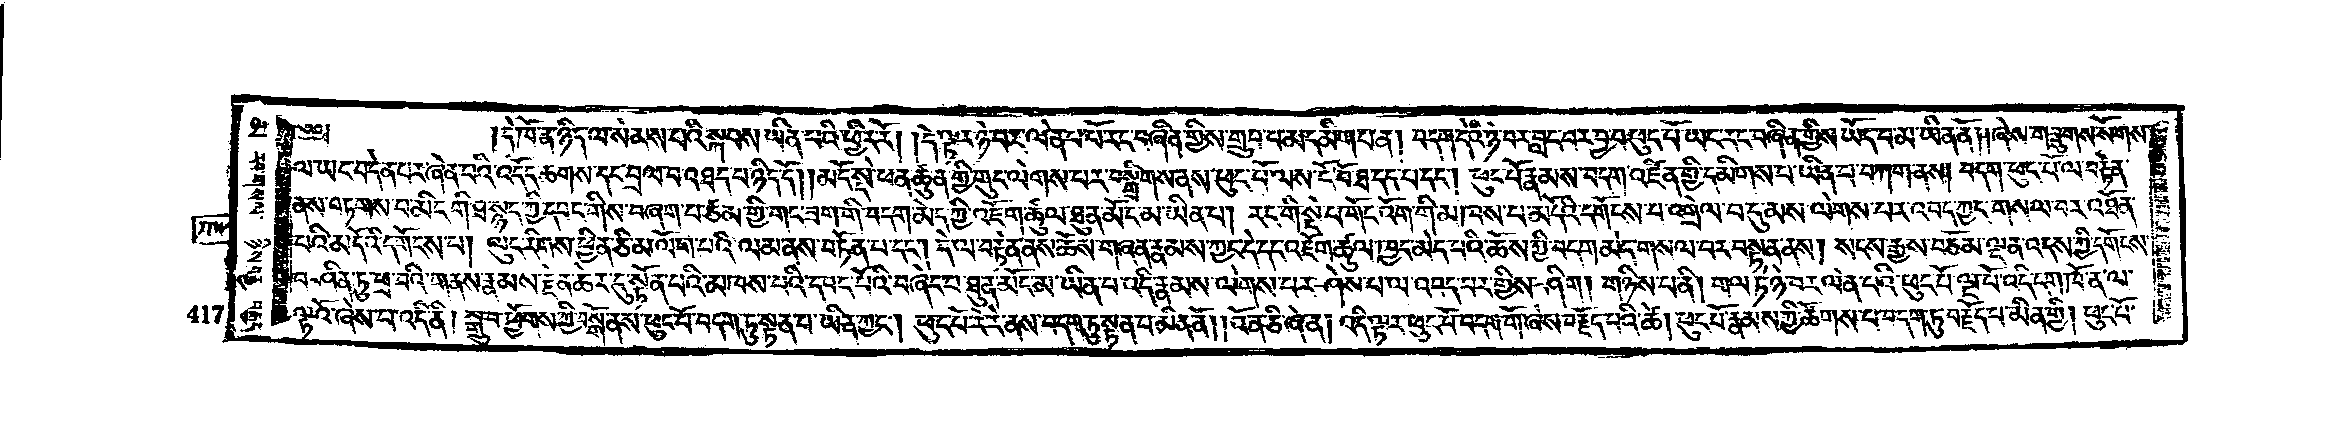༄༅། །དེ་ཁོ་ན་ཉིད་ལ་སེམས་པའི་སྐབས་ཡིན་པའི་ཕྱིར་རོ། །དེ་ལྟར་ཉེ་བར་ལེན་པ་པོ་རང་བཞིན་གྱིས་གྲུབ་པ་མ་དམིགས་ན། བདག་དེའི་ཉེ་བར་བླང་བར་བྱ་བ་ཕུང་པོ་ཡང་རང་བཞིན་གྱིས་ཡོད་པ་མ་ཡིན་ནོ། །ཞེས་གཟུགས་སོགས་
ལ་ཡང་བདེན་པར་ཞེན་པའི་འདོད་ཆགས་དང་བྲལ་བ་འཐད་པ་ཉིད་དོ། །མདོ་སྡེ་ཕན་ཚུན་གྱི་གུང་ལེགས་པར་བསྒྲིགས་ནས་ཕུང་པོ་ལས་ངོ་བོ་ཐ་དད་པ་དང་། ཕུང་པོ་རྣམས་བདག་འཛིན་གྱི་དམིགས་པ་ཡིན་པ་བཀག་ནས། བདག་ཕུང་པོ་ལ་བརྟེན་
ནས་བཏགས་པ་མིང་གི་ཐ་སྙད་ཀྱི་དབང་གིས་བཞག་པ་ཙམ་གྱི་གང་ཟག་གི་བདག་མེད་ཀྱི་འཇོག་ཚུལ་ཐུན་མོང་མ་ཡིན་པ། རང་གི་སྡེ་པ་གོང་འོག་གི་མཁས་པ་མདོའི་དགོངས་པ་འགྲེལ་བ་དུ་མས་ལེགས་པར་འབད་ཀྱང་གསལ་བར་འཐོན་
པའི་མདོའི་དགོངས་པ། ལུང་རིགས་ཕྱིན་ཅི་མ་ལོག་པའི་ལམ་ནས་བཏོན་པ་དང་། དེ་ལ་བརྟེན་ནས་ཆོས་གཞན་རྣམས་ཀྱང་དེ་དང་འཇོག་ཚུལ་ཁྱད་མེད་པའི་ཆོས་ཀྱི་བདག་མེད་གསལ་བར་བསྟན་ནས། སངས་རྒྱས་བཅོམ་ལྡན་འདས་ཀྱི་དགོངས་
པ་ཤིན་ཏུ་ཕྲ་བའི་གནས་རྣམས་རྗེན་ཆེར་དུ་སྟོན་པའི་མཁས་པའི་དབང་པོའི་བཞེད་པ་ཐུན་མོང་མ་ཡིན་པ་འདི་རྣམས་ལེགས་པར་ཤེས་པ་ལ་འབད་པར་གྱིས་ཤིག །གཉིས་པ་ནི། གལ་ཏེ་ཉེ་བར་ལེན་པའི་ཕུང་པོ་ལྔ་པོ་འདི་དག་ཁོ་ན་ལ་
ལྟའོ་ཞེས་པ་འདི་ནི། སྒྲུབ་ཕྱོགས་ཀྱི་བསྒོ་ནས་ཕུང་པོ་བདག་ཏུ་སྟོན་པ་ཡིན་ཀྱང་། ཕུང་པོ་རེ་རེ་ནས་བདག་ཏུ་སྟན་པ་མིན་ནོ། །འོ་ན་ཅི་ཞེ་ན། འདི་ལྟར་ཕུང་པོ་བདག་གོ་ཞེས་བརྗོད་པའི་ཚེ། ཕུང་པོ་རྣམས་ཀྱི་ཚོགས་པ་བདག་ཏུ་བརྗོད་པ་ཡིན་གྱི། ཕུང་པོ་